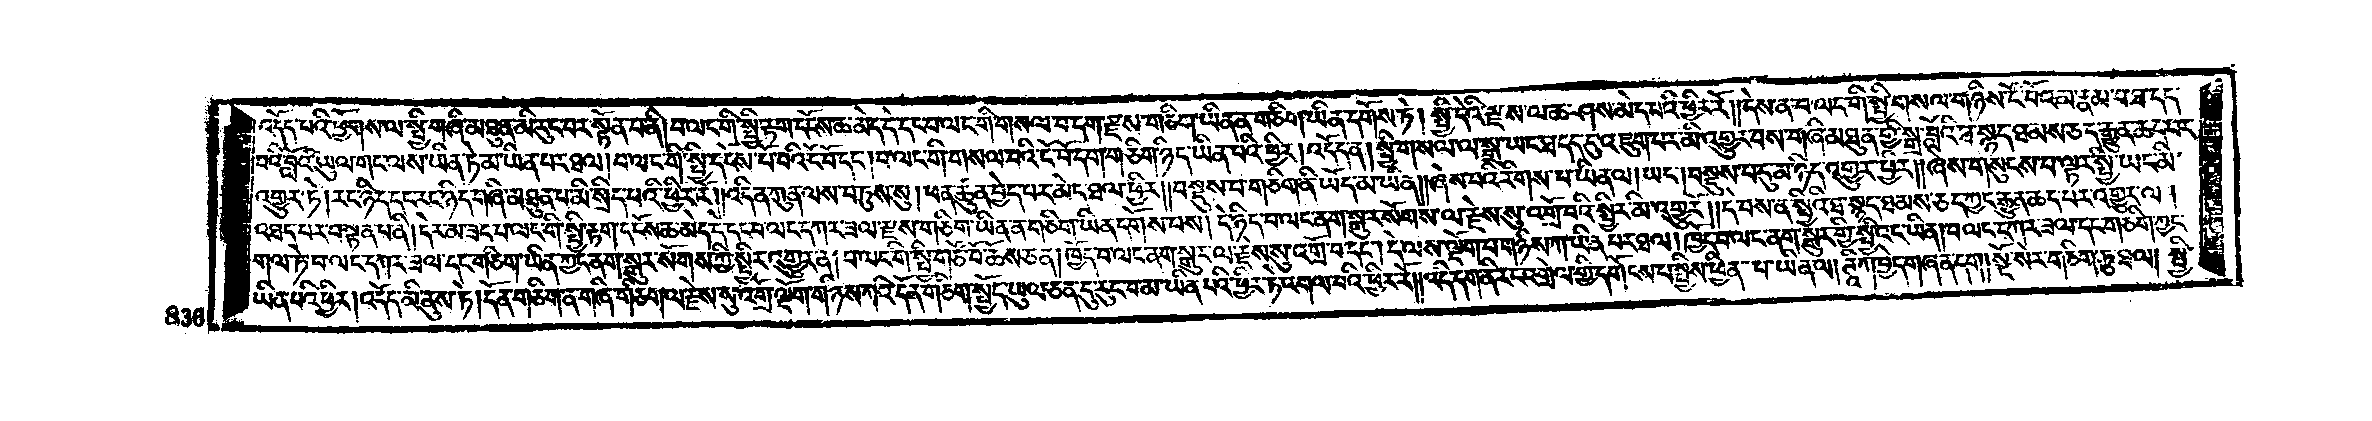འདོད་པའི་ཕྱོགས་ལ་སྤྱི་གཞི་མཐུན་མི་རུང་བར་སྟོན་པ་ནི། བ་ལང་གི་སྤྱི་རྟག་དངོས་ཆ་མེད་དེ་དང་བ་ལང་གི་གསལ་བ་དག་རྫས་གཅིག་ཡིན་ན་གཅིག་ཡིན་དགོས་ཏེ། སྤྱི་དེའི་རྫས་ལ་ཆ་ཤས་མེད་པའི་ཕྱིར་རོ། །དེས་ན་བ་ལང་གི་སྤྱི་གསལ་གཉིས་ངོ་བོའམ་རྣམ་པ་ཐ་དད་
པའི་བློ་ཡུལ་གང་ལས་ཡིན་ཏེ་མ་ཡིན་པར་ཐལ། བ་ལང་གི་སྤྱི་དངོས་པོ་བའི་ངོ་བོ་དང་། བ་ལང་གི་གསལ་བའི་ངོ་བོ་དག་གཅིག་ཉིད་ཡིན་པའི་ཕྱིར། འདོད་ན། སྤྱི་གསལ་ལ་སྒྲ་ཡང་ཐ་དད་དུ་འཇུག་པར་མི་འགྱུར་བས་གཞི་མཐུན་གྱི་སྒྲ་བློའི་ཐ་སྙད་ཐམས་ཅད་རྒྱུན་ཆད་པར་
འགྱུར་ཏེ། རང་ཉིད་དང་རང་ཉིད་གཞི་མཐུན་པ་མི་སྲིད་པའི་ཕྱིར་རོ། །འདི་ན་ཀུན་ལས་བཏུས་སུ། ཕན་ཚུན་བྱེད་པར་མེད་ཐལ་ཕྱིར། །བསྡུས་པ་གཅིག་ནི་ཡོད་མ་ཡིན། །ཞེས་པའི་རིགས་པ་ཡིན་ལ། ཡང་། བསྡུས་པ་དུ་མ་ཉིད་འགྱུར་ཕྱིར། །ཞེས་གསུངས་པ་ལྟར་སྤྱི་ཡང་མི་
འཐད་པར་བསྟན་པ་ནི། དེར་མ་ཟད་བ་ལང་གི་སྤྱི་རྟག་དངོས་ཆ་མེད་དེ་དང་བ་ལང་དཀར་ཟལ་རྫས་གཅིག་ཡིན་ན་གཅིག་ཡིན་དགོས་པས། དེ་ཉིད་བ་ལང་ནག་སྒུར་སོགས་ལ་རྗེས་སུ་འགྲོ་བའི་སྤྱིར་མི་འགྱུར་རོ། །དེ་བས་ན་སྤྱིའི་ཐ་སྙད་ཐམས་ཅད་ཀྱང་རྒྱུན་ཆད་པར་འགྱུར་ལ།
གལ་ཏེ་བ་ལང་དཀར་ཟལ་དང་གཅིག་ཡིན་ཀྱང་ནག་སྒུར་སོགས་ཀྱི་སྤྱིར་འགྱུར་ན། བ་ལང་གི་སྤྱི་གཙོ་བོ་ཆོས་ཅན། ཁྱོད་བ་ལང་ནག་སྒུར་ལ་རྗེས་སུ་འགྲོ་བ་དང་། དེ་ལས་ལྡོག་པ་གཉིས་ཀ་ཡིན་པར་ཐལ། ཁྱོད་བ་ལང་ནག་སྒུར་གྱི་སྤྱིའང་ཡིན། བ་ལང་དཀར་ཟལ་དང་གཅིག་ཀྱང་
ཡིན་པའི་ཕྱིར། འདོད་མི་ནུས་ཏེ། དོན་གཅིག་ན་གཞི་གཅིག་ལ་རྗེས་སུ་འགྲོ་ལྡོག་གཉིས་ཀའི་དོན་གཅིག་སྤྱོད་ཡུལ་ཅན་དུ་རུང་བ་མ་ཡིན་པའི་ཕྱིར་ཏེ་འགལ་བའི་ཕྱིར་རོ། །འདི་དག་ནི་རང་འགྲེལ་གྱི་དགོངས་པ་སྤྱིས་ཕྱིན་པ་ཡིན་ལ། ཊཱིཀ་བྱེད་གཞན་དག །སྔོ་སེར་གཅིག་ཏུ་ཐལ། སཔཡ་